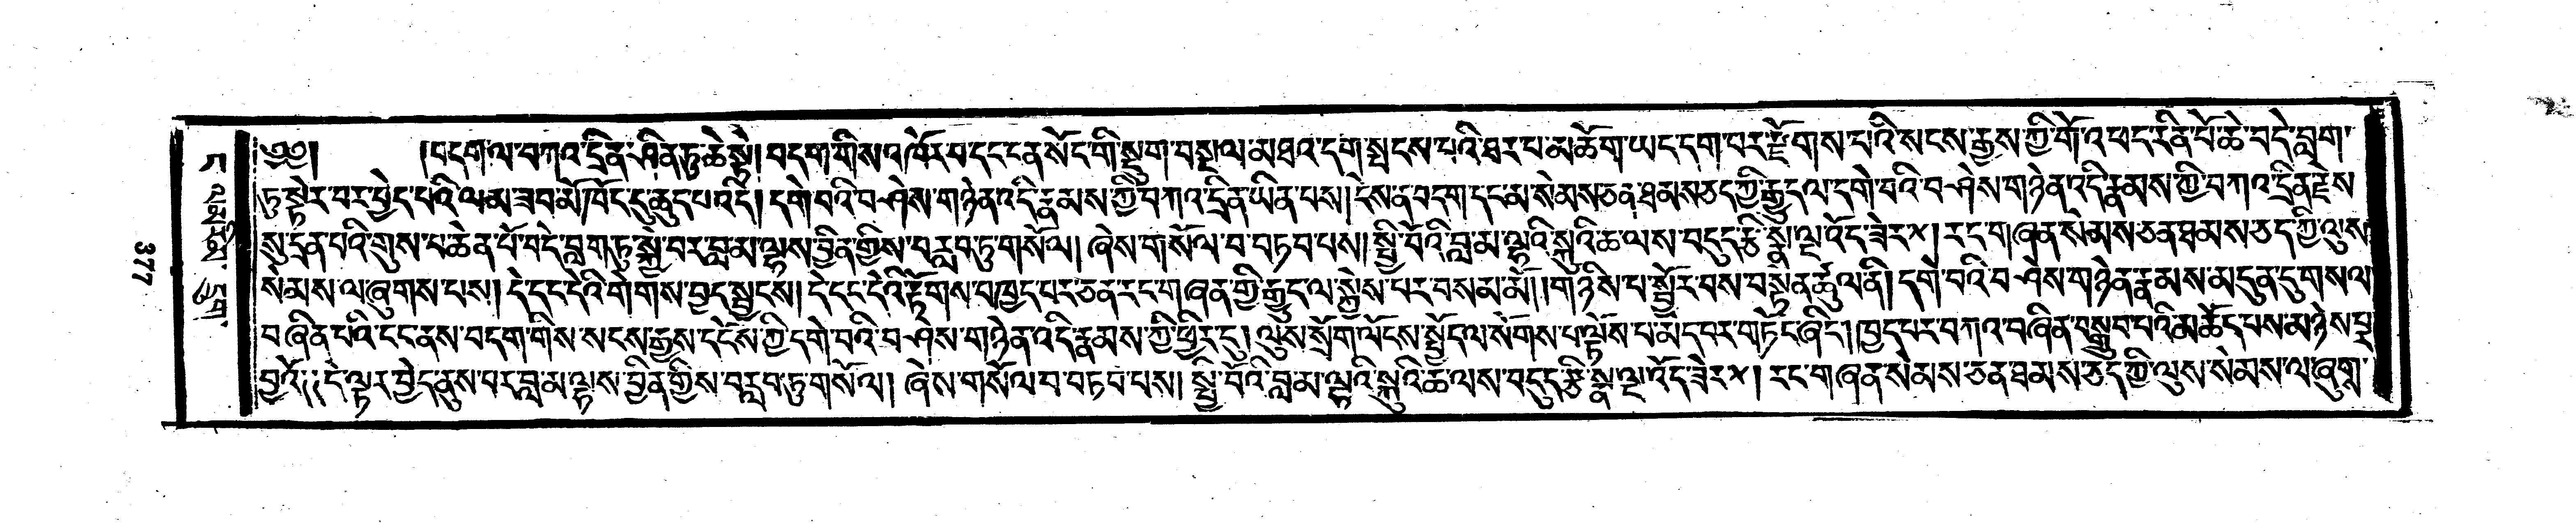༄༅། །བདག་ལ་བཀའ་དྲིན་ཤིན་ཏུ་ཆེ་སྟེ། བདག་གིས་འཁོར་བ་དང་ངན་སོང་གི་སྡུག་བསྔལ་མཐའ་དག་སྤངས་པའི་ཐར་པ་མཆོག་ཡང་དག་པར་རྫོགས་པའི་སངས་རྒྱས་ཀྱི་གོ་འཕང་རིན་པོ་ཆེ་བདེ་བླག་
ཏུ་སྟེར་བར་བྱེད་པའི་ལམ་ཟབ་མོ་ཁོང་དུ་ཆུད་པ་འདི། དགེ་བའི་བཤེས་གཉེན་འདི་རྣམས་ཀྱི་བཀའ་དྲིན་ཡིན་པས། དེས་ན་བདག་དང་མ་སེམས་ཅན་ཐམས་ཅད་ཀྱི་རྒྱུད་ལ་དགེ་བའི་བཤེས་གཉེན་འདི་རྣམས་ཀྱི་བཀའ་དྲིན་རྗེས་
སུ་དྲན་པའི་གུས་པ་ཆེན་པོ་བདེ་བླག་ཏུ་སྐྱེ་བར་བླ་མ་ལྷས་བྱིན་གྱིས་བརླབ་ཏུ་གསོལ། ཞེས་གསོལ་བ་བཏབ་པས། སྤྱི་བོའི་བླ་མ་ལྷའི་སྐུའི་ཆ་ལས་བདུད་རྩི་སྣ་ལྔ་འོད་ཟེར་྾། རང་གཞན་སེམས་ཅན་ཐམས་ཅད་ཀྱི་ལུས་
སེམས་ལ་ཞུགས་པས། དེ་དང་དེའི་གེགས་བྱེད་སྦྱངས། དེ་དང་དེའི་རྟོགས་པ་ཁྱད་པར་ཅན་རང་གཞན་གྱི་རྒྱུད་ལ་སྐྱེས་པར་བསམ་མོ། །གཉིས་པ་སྦྱོར་བས་བསྟེན་ཚུལ་ནི། དགེ་བའི་བཤེས་གཉེན་རྣམས་མདུན་དུ་གསལ་
བཞིན་པའི་ངང་ནས་བདག་གིས་སངས་རྒྱས་དངོས་ཀྱི་དགེ་བའི་བཤེས་གཉེན་འདི་རྣམས་ཀྱི་ཕྱིར་དུ། ལུས་སྲོག་ལོངས་སྤྱོད་ལ་སོགས་པ་ལྟོས་པ་མེད་པར་གཏོང་ཞིང་། ཁྱད་པར་བཀའ་བཞིན་བསྒྲུབ་པའི་མཆོད་པས་མཉེས་པར་
བྱའོ། །དེ་ལྟར་བྱེད་ནུས་པར་བླ་མ་ལྷས་བྱིན་གྱིས་བརླབ་ཏུ་གསོལ། ཞེས་གསོལ་བ་བཏབ་པས། སྤྱི་བོའི་བླ་མ་ལྷའི་སྐུའི་ཆ་ལས་བདུད་རྩི་སྣ་ལྔ་འོད་ཟེར་྾། རང་གཞན་སེམས་ཅན་ཐམས་ཅད་ཀྱི་ལུས་སེམས་ལ་ཞུགས་